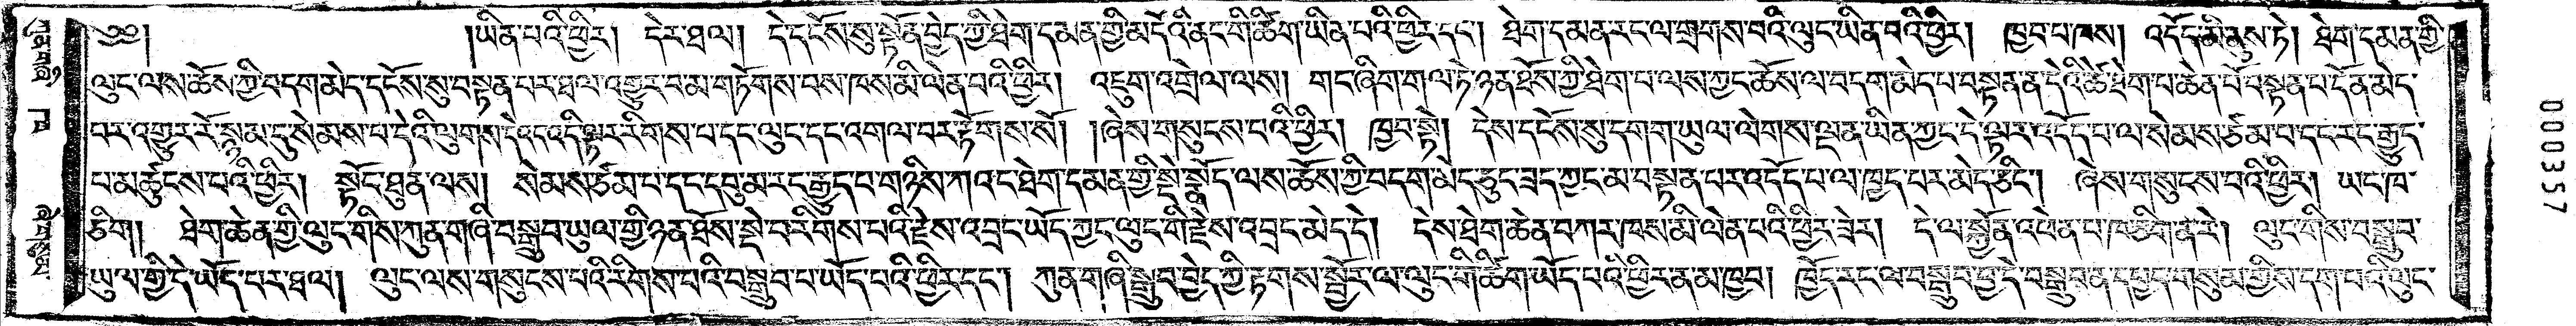༄༅། །ཡིན་པའི་ཕྱིར། དེར་ཐལ། དེ་དངོས་སུ་སྟོན་བྱེད་ཀྱི་ཐེག་དམན་གྱི་མདོའི་ནང་གི་ཚིག་ཡིན་པའི་ཕྱིར་དང་། ཐེག་དམན་རང་ལ་གྲགས་པའི་ལུང་ཡིན་བའི་ཕྱིར། ཁྱབ་པ་ཁས། འདོད་མི་ནུས་ཏེ། ཐེག་དམན་གྱི་
ལུང་ལས་ཆོས་ཀྱི་བདག་མེད་དངོས་སུ་བསྟན་པར་ཐལ་འགྱུར་བ་མ་གཏོགས་པས་ཁས་མི་ལེན་པའི་ཕྱིར། འཇུག་འགྲེལ་ལས། གང་ཞིག་གལ་ཏེ་ཉན་ཐོས་ཀྱི་ཐེག་པ་ལས་ཀྱང་ཆོས་ལ་བདག་མེད་པ་བསྟན་ན་དེའི་ཚེ་ཐེག་པ་ཆེན་པོ་བསྟན་པ་དོན་མེད་
བར་འགྱུར་རོ་སྙམ་དུ་སེམས་བ་དེའི་ལུགས་དེའང་འདི་ལྟར་རིགས་པ་དང་ལུང་དང་འགལ་བར་རྟོགས་སོ། །ཞེས་གསུངས་པའི་ཕྱིར། ཁྱབ་སྟེ། དེས་དངོས་སུ་དགག་ཡུལ་ལེགས་ལྡན་ཡིན་ཀྱང་དེ་ལྟར་འདོད་པ་ལ་སེམས་ཙམ་པ་དང་རང་རྒྱུད་
མ་མཚུངས་པའི་ཕྱིར། སྟོང་ཐུན་ལས། སེམས་ཙམ་པ་དང་དབུ་མ་རང་རྒྱུད་པ་གཉིས་ཀའང་ཐེག་དམན་གྱི་སྡེ་སྣོད་ལས་ཆོས་ཀྱི་བདག་མེད་ཅུང་ཟད་ཀྱང་མ་བསྟན་པར་འདོད་པ་ལ་ཁྱད་པར་མེད་ཅིང་། ཞེས་གསུངས་པའི་ཕྱིར། ཡང་ཁ་
ཅིག། ཐེག་ཆེན་གྱི་ལུང་གིས་ཀུན་གཞི་བསྒྲུབ་ཡུལ་གྱི་ཉན་ཐོས་སྡེ་བ་རིགས་པའི་རྗེས་འབྲང་ཡོད་ཀྱང་ལུང་གི་རྗེས་འབྲང་མེད་དེ། དེས་ཐེག་ཆེན་བཀར་ཁས་མི་ལེན་པའི་ཕྱིར་ཟེར། དེ་ལ་སྐྱོན་འཕེན་པ་ཁ་ཅིག་ན་རེ། ལུང་གིས་བསྒྲུབ་
ཡུལ་གྱི་དེ་ཡོད་པར་ཐལ། ལུང་ལས་གསུངས་པའི་རིགས་པའི་བསྒྲུབ་པ་ཡོད་པའི་ཕྱིར་དང་། ཀུན་གཞི་སྒྲུབ་བྱེད་ཀྱི་རྟགས་སྦྱོར་ལ་ལུང་གི་ཚིག་ཡོད་པའི་ཕྱིར་ན་མ་ཁྱབ། ཁྱོད་རང་ལ་བསྒྲུབ་བྱ་དེ་བསྒྲུབ་ན་དཔྱད་གསུམ་གྱིས་དག་པའི་ལུང་